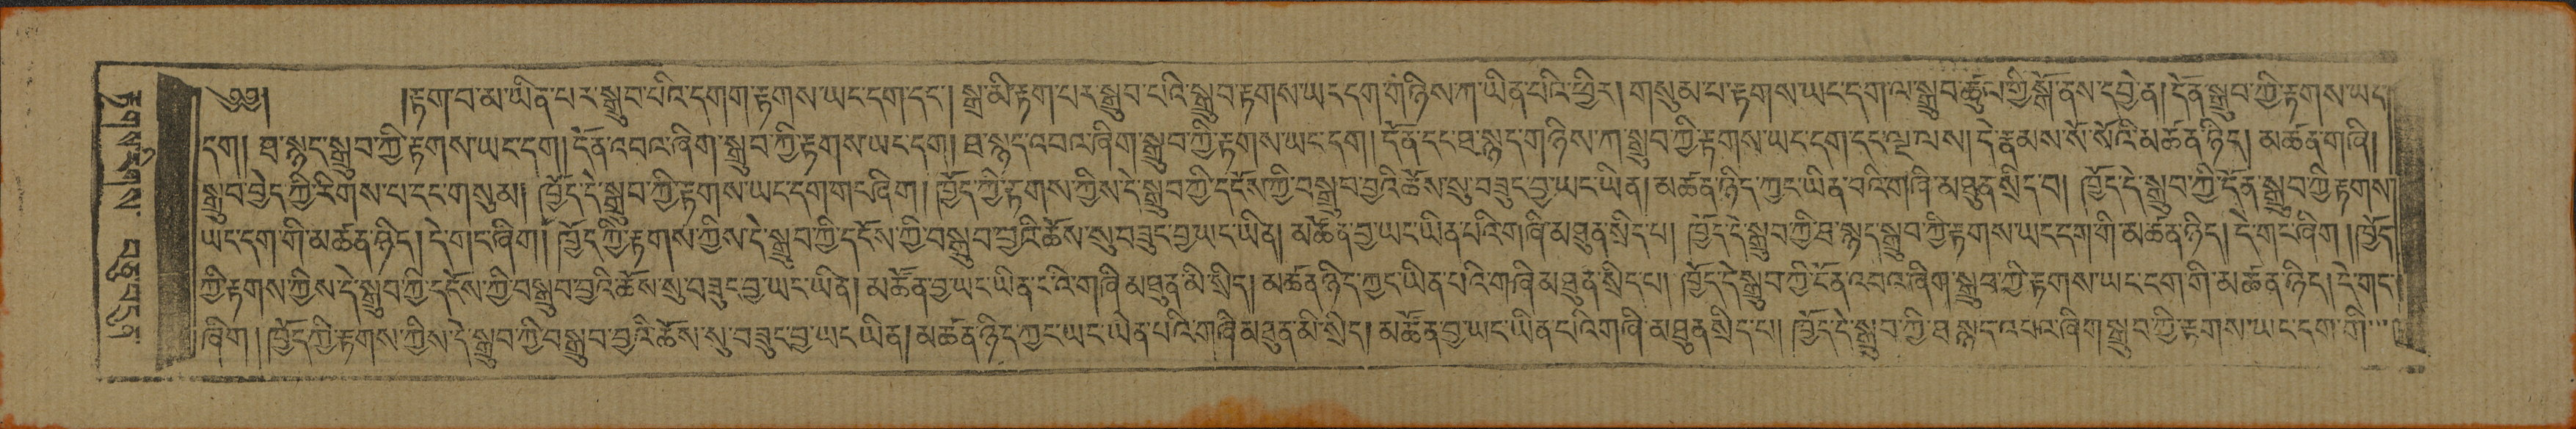༄༅། །རྟག་པ་མ་ཡིན་པར་སྒྲུབ་པའི་དགག་རྟགས་ཡང་དག་དང་། སྒྲ་མི་རྟག་པར་སྒྲུབ་པའི་སྒྲུབ་རྟགས་ཡང་དག་གཉིས་ཀ་ཡིན་པའི་ཕྱིར། གསུམ་པ་རྟགས་ཡང་དག་ལ་སྒྲུབ་ཚུལ་གྱི་སྒོ་ནས་དབྱེ་ན། དོན་སྒྲུབ་ཀྱི་རྟགས་ཡང་
དག། ཐ་སྙད་སྒྲུབ་ཀྱི་རྟགས་ཡང་དག། དོན་འབའ་ཞིག་སྒྲུབ་ཀྱི་རྟགས་ཡང་དག། ཐ་སྙད་འབའ་ཞིག་སྒྲུབ་ཀྱི་རྟགས་ཡང་དག། དོན་དང་ཐ་སྙད་གཉིས་ཀ་སྒྲུབ་ཀྱི་རྟགས་ཡང་དག་དང་ལྔ་ལས། དེ་རྣམས་སོ་སོའི་མཚན་ཉིད། མཚན་གཞི།
སྒྲུབ་བྱེད་ཀྱི་རིགས་པ་དང་གསུམ། ཁྱོད་དེ་སྒྲུབ་ཀྱི་རྟགས་ཡང་དག་གང་ཞིག །ཁྱོད་ཀྱི་རྟགས་ཀྱིས་དེ་སྒྲུབ་ཀྱི་དངོས་ཀྱི་བསྒྲུབ་བྱའི་ཆོས་སུ་བཟུང་བྱ་ཡང་ཡིན། མཚན་ཉིད་ཀྱང་ཡིན་པའི་གཞི་མཐུན་སྲིད་པ། ཁྱོད་དེ་སྒྲུབ་ཀྱི་དོན་སྒྲུབ་ཀྱི་རྟགས་
ཡང་དག་གི་མཚན་ཉིད། དེ་གང་ཞིག། ཁྱོད་ཀྱི་རྟགས་ཀྱིས་དེ་སྒྲུབ་ཀྱི་དངོས་ཀྱི་བསྒྲུབ་བྱའི་ཆོས་སུ་བཟུང་བྱ་ཡང་ཡིན། མཚོན་བྱ་ཡང་ཡིན་པའི་གཞི་མཐུན་སྲིད་པ། ཁྱོད་དེ་སྒྲུབ་ཀྱི་ཐ་སྙད་སྒྲུབ་ཀྱི་རྟགས་ཡང་དག་གི་མཚན་ཉིད། དེ་གང་ཞིག །ཁྱོད་
ཀྱི་རྟགས་ཀྱིས་དེ་སྒྲུབ་ཀྱི་དངོས་ཀྱི་བསྒྲུབ་བྱའི་ཆོས་སུ་བཟུང་བྱ་ཡང་ཡིན། མཚོན་བྱ་ཡང་ཡིན་པའི་གཞི་མཐུན་མི་སྲིད། མཚན་ཉིད་ཀྱང་ཡིན་པའི་གཞི་མཐུན་སྲིད་པ། ཁྱོད་དེ་སྒྲུབ་ཀྱི་དོན་འབའ་ཞིག་སྒྲུབ་ཀྱི་རྟགས་ཡང་དག་གི་མཚན་ཉིད། དེ་གང་
ཞིག །ཁྱོད་ཀྱི་རྟགས་ཀྱིས་དེ་སྒྲུབ་ཀྱི་བསྒྲུབ་བྱའི་ཆོས་སུ་བཟུང་བྱ་ཡང་ཡིན། མཚན་ཉིད་ཀྱང་ཡང་ཡིན་པའི་གཞི་མཐུན་མི་སྲིད། མཚོན་བྱ་ཡང་ཡིན་པའི་གཞི་མཐུན་སྲིད་པ། ཁྱོད་དེ་སྒྲུབ་ཀྱི་ཐ་སྙད་འབའ་ཞིག་སྒྲུབ་ཀྱི་རྟགས་ཡང་དག་གི་